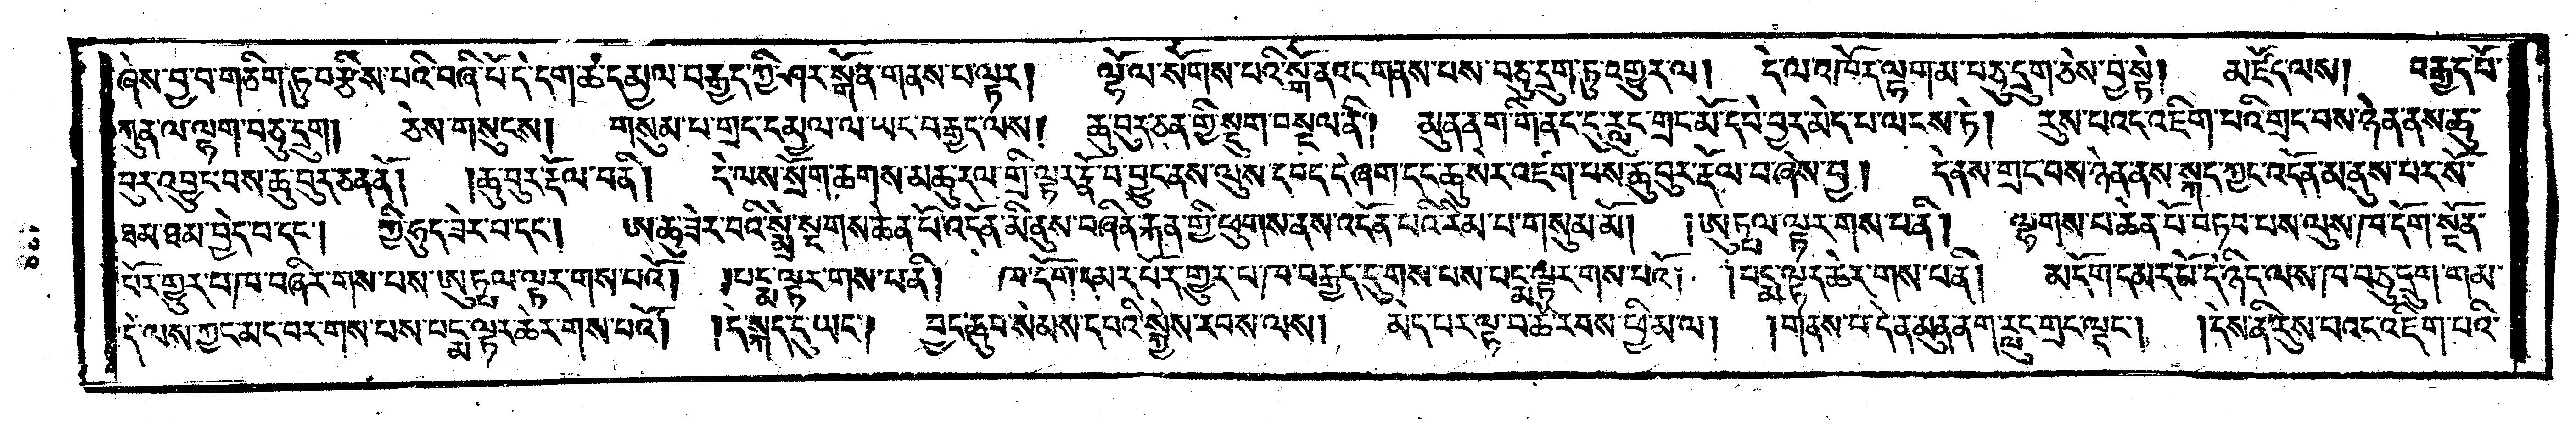ཞེས་བྱ་བ་གཅིག་ཏུ་བརྩིས་པའི་བཞི་པོ་དེ་དག་ཚ་དམྱལ་བརྒྱད་ཀྱི་ཤར་སྒོན་གནས་པ་ལྟར། ལྷོ་ལ་སོགས་པའི་སྒོ་ནའང་གནས་པས་བཅུ་དྲུག་ཏུ་འགྱུར་ལ། དེ་ལ་འཁོད་ལྷག་མ་བཅུ་དྲུག་ཅེས་བྱ་སྟེ། མཛོད་ལས། བརྒྱད་པོ་
ཀུན་ལ་ལྷག་བཅུ་དྲུག། ཅེས་གསུངས། གསུམ་པ་གྲང་དམྱལ་ལ་ཡང་བརྒྱད་ལས། ཆུ་བུར་ཅན་གྱི་སྡུག་བསྔལ་ནི། མུན་ནག་གི་ནང་དུ་རླུང་གྲང་མོ་དཔེ་བྱར་མེད་པ་ལངས་ཏེ། རུས་པའང་འཇིག་པའི་གྲང་བས་ཉེན་ནས་ཆུ་
བུར་འབྱུང་བས་ཆུ་བུར་ཅན་ནོ། །ཆུ་བུར་རྡོལ་བ་ནི། དེ་ལས་སྲོག་ཆགས་མཆུ་རལ་གྲི་ལྟར་རྣོ་བ་བྱུང་ནས་ལུས་དབད་དེ་ཞག་དང་ཆུ་སེར་འཛག་པས་ཆུ་བུར་རྡོལ་བ་ཞེས་བྱ། དེ་ནས་གྲང་བས་ཉེན་ནས་སྐང་ཀྱང་འདོན་མ་ནུས་པར་སོ་
ཐམ་ཐམ་བྱེད་བ་དང་། ཀྱི་ཧུད་ཟེར་བ་དང་། ཨ་ཆུ་ཟེར་བའི་སྨྲེ་སྔགས་ཆེན་པོ་འདོན་མི་ནུས་བཞིན་རྐན་གྱི་ཕུགས་ནས་འདོན་པའི་རིམ་པ་གསུམ་མོ། །ཨུཏྤལ་ལྟར་གས་པ་ནི། ལྷགས་པ་ཆེན་པོ་བཏབ་པས་ལུས་ཁ་དོག་སྔོན་
པོར་གྱུར་པ་ཁ་བཞིར་གས་པས་ཨུཏྤལ་ལྟར་གས་པའོ། །པདམ་ལྟར་གས་པ་ནི། ཁ་དོག་དམར་པོར་གྱུར་པ་ཁ་བརྒྱད་དུ་གས་པས་པདམ་ལྟར་གས་པའོ། །པདམ་ལྟར་ཆེར་གས་པ་ནི། མདོག་དམར་པོ་དེ་ཉིད་ལས་ཁ་བཅུ་དྲུག་གམ་
དེ་ལས་ཀྱང་མང་བར་གས་པས་པདམ་ལྟར་ཆེར་གས་པའོ། །དེ་སྐད་དུ་ཡང་། བྱང་ཆུབ་སེམས་དཔའི་སྐྱེས་རབས་ལས། མེད་པར་ལྟ་བ་ཆོ་རབས་ཕྱི་མ་ལ། །གནས་པ་དེ་ན་མུན་ནག་རླུང་གྲང་ལྡང་། །དེས་ནི་རུས་པའང་འཇིག་པའི་